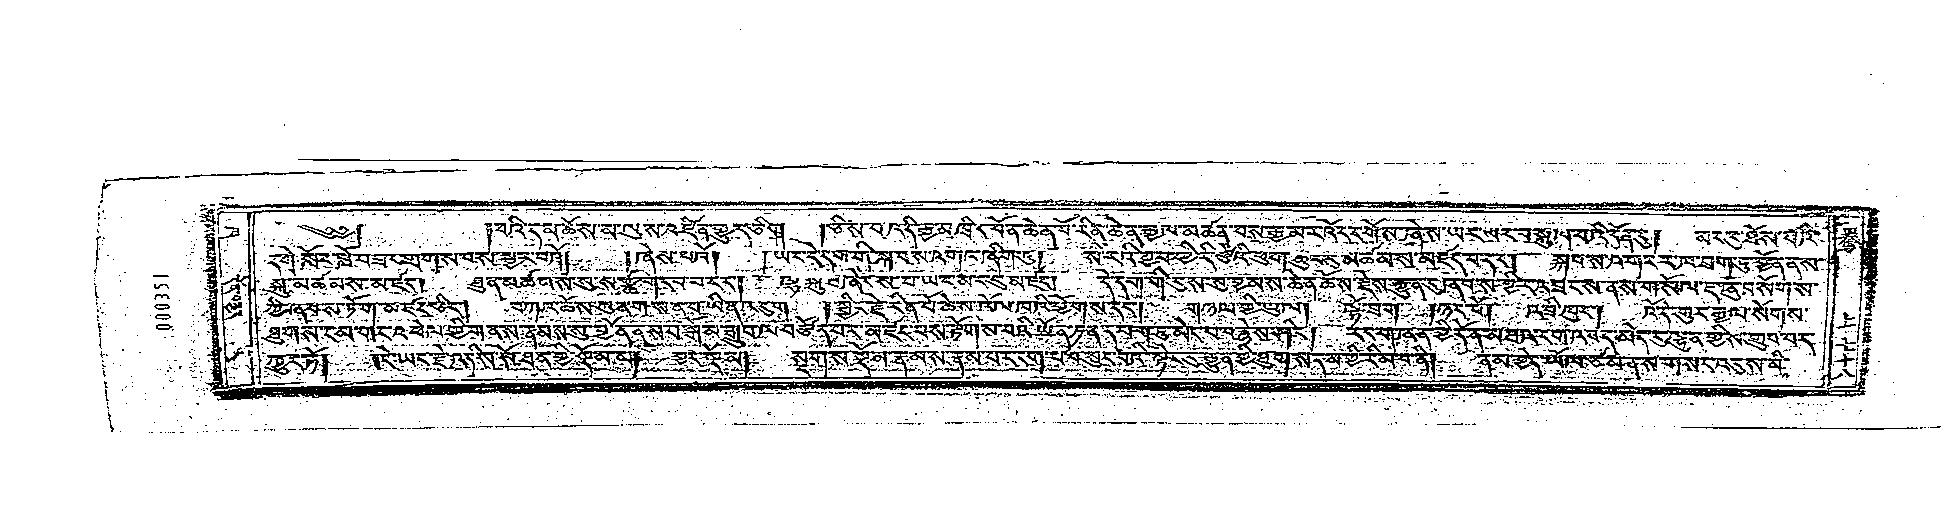༄༅། །བའི་དམ་ཆོས་མ་ལུས་འཛིན་གྱུར་ཅིག །ཅིས་པ་འདི་རྒྱ་མཁྲི་དབོན་ཆེན་པོ་རིན་ཆེན་རྒྱལ་མཚན་པས་རྒྱ་མར་འོད་དགོས་ཞེས་ཡང་ཡང་བསྐུལ་བའི་དོན་དུ། མང་དུ་ཐོས་པའི་
དགེ་སློང་བློ་བཟང་གྲགས་པས་སྦྱར་བའོ། །ཞེས་པའོ། །ཡང་དེ་དག་གི་སྐབས་འགའ་ཞིག་ཏུ། སེ་རའི་རྒྱབ་ཀྱི་རི་རྩེའི་ཕུག་ཆུང་དུ་མཚམས་མཛད་པ་དང་། སྐབས་འགར་ར་ཁ་བྲག་ཏུ་བྱོན་ནས་
སྐུ་མཚམས་མཛད། ཐུན་མཚབས་སུ་སཙྪ་གདབ་བ་དང་། ལྷ་སྐུ་བཞེངས་པ་ཡང་མང་དུ་མཛད། དེ་དག་གི་དུས་སུ་བྱམས་ཆེན་ཆོས་རྗེས་རྒྱུན་དུ་ཞབས་ཕྱིར་འབྲངས་ནས་གསོལ་ཇ་ཞུ་བ་སོགས་
ཀྱི་ཞབས་ཏོག་མཛད་ཅིང་། བཀའ་ཆོས་ཀུན་གསན་པ་ཡིན་འདུག །སྦྱིར་རྗེ་རིན་པོ་ཆེས་འོལ་ཁའི་ཕྱོགས་དང་། གཉལ་གྱི་ཡུལ། ལྷོ་བྲག །ཉང་པོ། འབྲི་ཁུང་། འོ་དེ་གུང་རྒྱལ་སོགས་
ཐུགས་དམ་གང་འཕེལ་གྱི་གནས་རྣམས་སུ་བྱོན་ནས་བསྒོམ་སྒྲུབ་ལ་བརྩོན་པར་མཛད་པས་རྟོགས་པའི་ཡོན་ཏན་དཔག་ཏུ་མེད་པ་བརྙེས་ཤིང་། རང་གཞན་གྱི་དོན་མཐའ་དག་འབད་མེད་དུ་ལྷུན་གྱིས་གྲུབ་པར་
གྱུར་ཏོ། །དེ་ཡང་རྗེ་འདིས་སོ་ཐན་གྱི་སྡོམ་མ། བྱང་སྡོམ། སྔགས་སྡོམ་རྣམས་རྣམ་པར་ངག་པ་བསྲུང་བའི་སྟེང་དུ་རྒྱུན་གྱི་ཐུགས་དམ་གྱི་རིམ་བ་ནི། ནམ་ཕྱེད་ཡོལ་ཙམ་ནས་གསར་འདུས་མི་